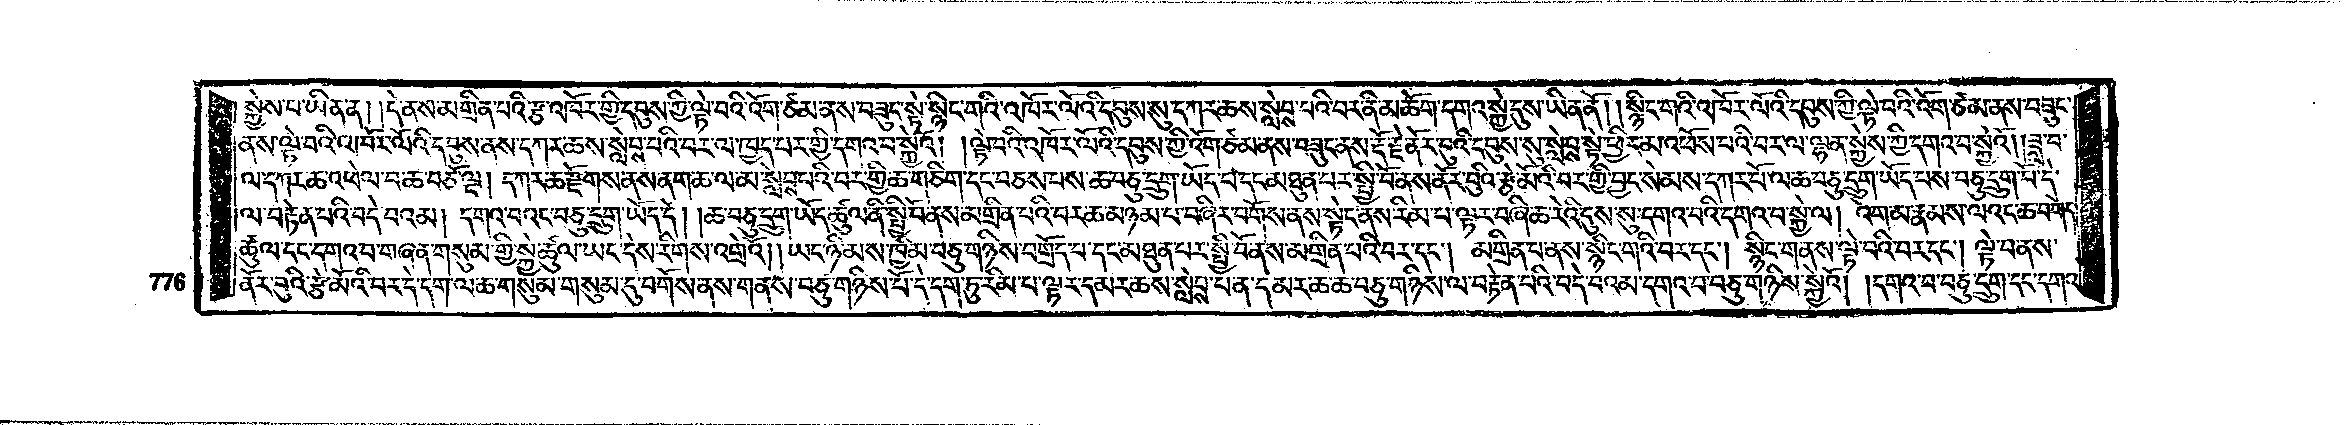སྐྱེས་པ་ཡིན་ནོ། །དེ་ནས་མགྲིན་པའི་རྩ་འཁོར་གྱི་དབུས་ཀྱི་ལྟེ་བའི་འོག་ཙམ་ནས་བཟུང་སྟེ་སྙིང་གའི་འཁོར་ལོའི་དབུས་སུ་དཀར་ཆས་སླེབས་པའི་བར་ནི་མཆོག་དགའ་སྐྱེ་དུས་ཡིན་ནོ། །སྙིང་གའི་འཁོར་ལོའི་དབུས་ཀྱི་ལྟེ་བའི་འོག་ཙམ་ནས་བཟུང་
ནས་ལྟེ་བའི་འཁོར་ལོའི་དབུས་ནས་དཀར་ཆས་སླེབས་པའི་བར་ལ་ཁྱད་པར་གྱི་དགའ་བ་སྐྱེའོ། །ལྟེ་བའི་འཁོར་ལོའི་དབུས་ཀྱི་འོག་ཙམ་ནས་བཟུང་ནས་རྡོ་རྗེ་ནོར་བུའི་དབུས་སུ་སླེབས་སྟེ་ཕྱིར་མ་འཕོས་པའི་བར་ལ་ལྷན་སྐྱེས་ཀྱི་དགའ་བ་སྐྱེའོ། །ཟླ་བ་
ལ་དཀར་ཆ་འཕེལ་བ་ཆ་བཅོ་ལྔ། དཀར་ཆ་རྫོགས་ནས་ནག་ཆ་ལ་མ་སླེབས་པའི་བར་གྱི་ཆ་གཅིག་དང་བཅས་པས་ཆ་བཅུ་དྲུག་ཡོད་པ་དང་མཐུན་པར་སྤྱི་བོ་ནས་ནོར་བུའི་རྩེ་མོའི་བར་གྱི་བྱང་སེམས་དཀར་པོ་ལ་ཆ་བཅུ་དྲུག་ཡོད་པས་བཅུ་དྲུག་པོ་དེ་
ལ་བརྟེན་པའི་བདེ་བའམ། དགའ་བའང་བཅུ་དྲུག་ཡོད་དོ། །ཆ་བཅུ་དྲུག་ཡོད་ཚུལ་ནི་སྤྱི་བོ་ནས་མགྲིན་པའི་བར་ཆ་མཉམ་པ་བཞིར་བགོས་ནས་སྟེང་ནས་རིམ་པ་ལྟར་བཞི་ཆ་རེའི་དུས་སུ་དགའ་བའི་དགའ་བ་སྐྱེ་ལ། འོག་མ་རྣམས་ལའང་ཆ་བགོད་
ཚུལ་དང་དགའ་བ་གཞན་གསུམ་གྱི་སྐྱེ་ཚུལ་ཡང་དེས་རིགས་འགྲེའོ། །ཡང་ཉི་མས་ཁྱིམ་བཅུ་གཉིས་བགྲོད་པ་དང་མཐུན་པར་སྤྱི་བོ་ནས་མགྲིན་པའི་བར་དང་། མགྲིན་པ་ནས་སྙིང་གའི་བར་དང་། སྙིང་ག་ནས་ལྟེ་བའི་བར་དང་། ལྟེ་བ་ནས་
ནོར་བུའི་རྩེ་མོའི་བར་དེ་དག་ལ་ཆ་གསུམ་གསུམ་དུ་བགོས་ནས་གནས་བཅུ་གཉིས་པོ་དེ་དག་ཏུ་རིམ་པ་ལྟར་དམར་ཆས་སླེབས་པ་ན་དམར་ཆ་ཆ་བཅུ་གཉིས་ལ་བརྟེན་པའི་བདེ་བའམ་དགའ་བ་བཅུ་གཉིས་སྐྱེའོ། །དགའ་བ་བཅུ་དྲུག་དང་དགའ་